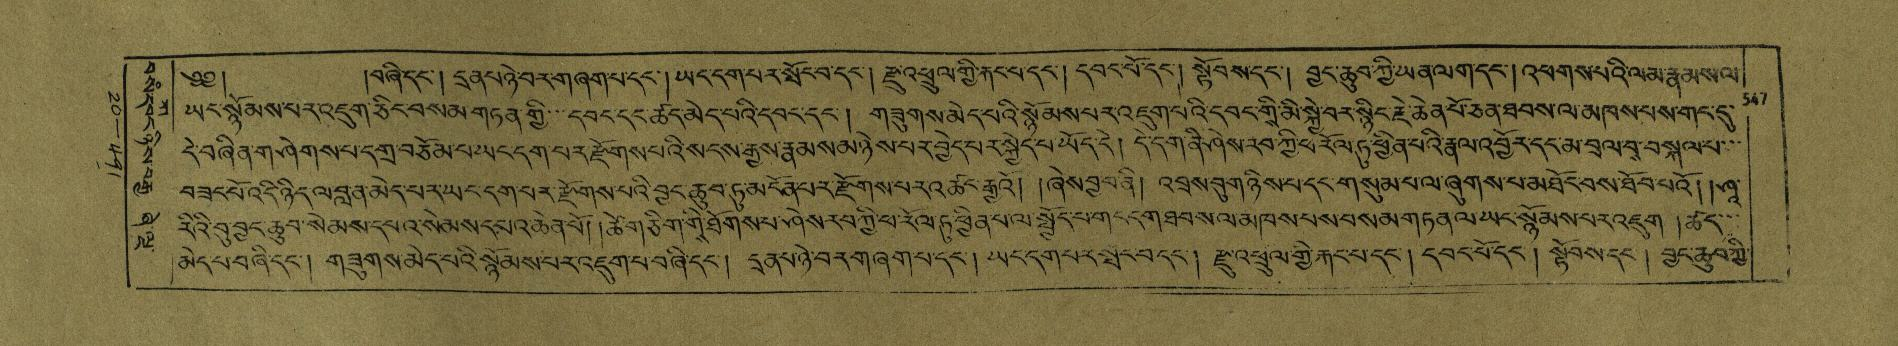༄༅། །བཞི་དང་། དྲན་པ་ཉེ་བར་གཞག་པ་དང་། ཡང་དག་པར་སྤོང་བ་དང་། རྫུ་འཕྲུལ་གྱི་རྐང་པ་དང་། དབང་པོ་དང་། སྟོབས་དང་། བྱང་ཆུབ་ཀྱི་ཡན་ལག་དང་། འཕགས་པའི་ལམ་རྣམས་ལ་
ཡང་སྙོམས་པར་འཇུག་ཅིང་བསམ་གཏན་གྱི་དབང་དང་ཚད་མེད་པའི་དབང་དང་། གཟུགས་མེད་པའི་སྙོམས་པར་འཇུག་པའི་དབང་གིས་མི་སྐྱེ་བར་སྙིང་རྗེ་ཆེན་པོ་ཅན་ཐབས་ལ་མཁས་པས་གང་དུ་
དེ་བཞིན་གཤེགས་པ་དགྲ་བཅོམ་པ་ཡང་དག་པར་རྫོགས་པའི་སངས་རྒྱས་རྣམས་མཉེས་པར་བྱེད་པར་སྐྱེད་པ་ཡོད་དེ། དེ་དག་ནི་ཤེས་རབ་ཀྱི་ཕ་རོལ་ཏུ་ཕྱིན་པའི་རྣལ་འབྱོར་དང་མ་བྲལ་བས་བསྐལ་པ་
བཟང་པོ་འདི་ཉིད་ལ་བླ་ན་མེད་པར་ཡང་དག་པར་རྫོགས་པའི་བྱང་ཆུབ་ཏུ་མངོན་པར་རྫོགས་པར་འཚང་རྒྱའོ། །ཞེས་བྱ་བ་ནི། འབྲས་བུ་གཉིས་པ་དང་གསུམ་པ་ལ་ཞུགས་པ་མཐོང་བས་ཐོབ་པའོ། །ཤཱ་
རིའི་བུ་བྱང་ཆུབ་སེམས་དཔའ་སེམས་དཔའ་ཆེན་པོ། །ཚེ་གཅིག་གིས་ཐོགས་པ་ཤེས་རབ་ཀྱི་ཕ་རོལ་ཏུ་ཕྱིན་པ་ལ་སྤྱོད་པ་གང་དག་ཐབས་ལ་མཁས་པས་བསམ་གཏན་ལ་ཡང་སྙོམས་པར་འཇུག །ཚད་
མེད་པ་བཞི་དང་། གཟུགས་མེད་པའི་སྙོམས་པར་འཇུག་པ་བཞི་དང་། དྲན་པ་ཉེ་བར་གཞག་པ་དང་། ཡང་དག་པར་སྤོང་བ་དང་། རྫུ་འཕྲུལ་གྱི་རྐང་པ་དང་། དབང་པོ་དང་། སྟོབས་དང་། བྱང་ཆུབ་ཀྱི་